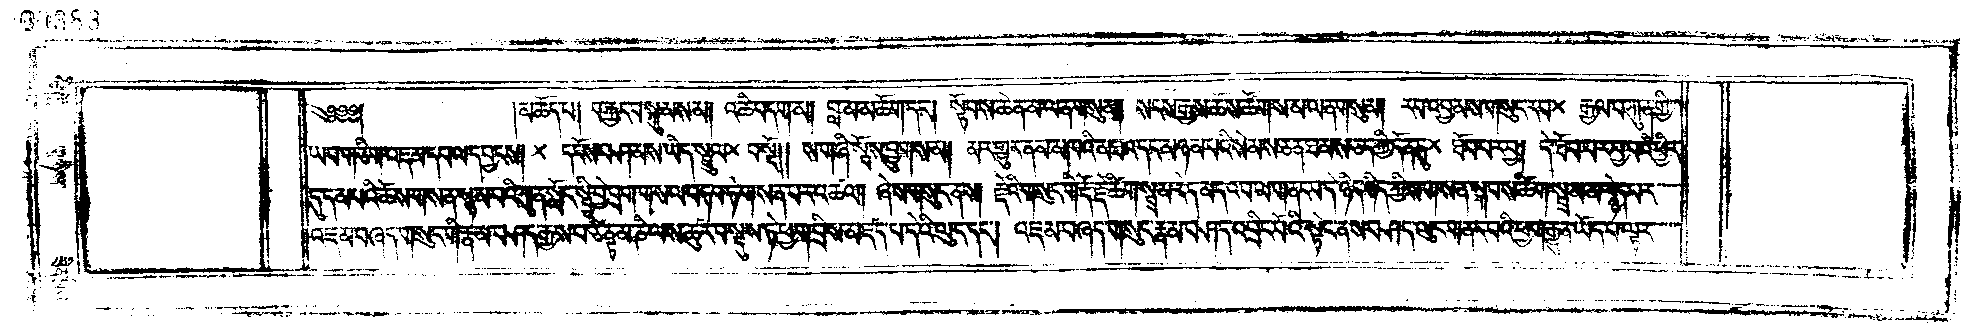༄༅༅། །མཆོད་པ། བརྐྱང་བསྐུམས་མ། འཆི་བདག་མ། བླ་མ་མཆོག་དང་། སྟོབས་ཆེན་མ་ལན་གསུམ། སངས་རྒྱས་ཆོས་ཚོགས་མ་ལན་གསུམ། རབ་འབྱམས་གསུང་རབ྾་རྒྱལ་བ་ཀུན་གྱི་
ཡབ་གཅིག་འཇམ་དཔལ་དབྱངས། ྾་དངོས་བཤམས་ཡིད་སྤྲུལ྾་བསྔོ།། ས་གཞི་སྤོས་བྱུགས་མ། མར་གྱུར་ནམ་མཁའི་མཐའ་དང་མཉམ་པའི་སེམས་ཅན་ཐམས་ཅད་ཀྱི་དོན་དུ྾་ཐོབ་པར་བྱ། དེ་ཐོབ་པར་བྱ་བའི་ཕྱིར་
དུ་དམ་པའི་ཆོས་གསན་སྙམ་པའི་ཀུན་སློང་སྤྱི་བྱེ་བྲག་གསལ་བཏབ་ཏེ་གསན་པར་འཚལ། ཞེས་གསུང་ནས། རྗེའི་གསུང་གི་རྡོ་རྗེ་ཚིག་སྤྲ་མ་རེད་མདའ་བ་ལ་གནང་བ་དེ་ཉིད་ཉིད་ཀྱིས་གསན་སྐབས་ཚིག་སྦྲམ་མ་རྙེད་པར་
འཇམ་བཞད་གསུང་གི་རྣམ་བཤད་རྒྱས་པ་ཙིནྟ་མ་ཎི་ལས་ཚུར་བསྡུས་ཏེ་ཕྱག་བྲིས་མཛད་པ་དེའི་ལུང་དང་། འཇམ་བཞད་གསུང་རྣམ་བཤད་འབྲིང་པོའི་སྟེང་ནས་བཤད་ལུང་གནང་བའི་ཕྱག་རྒྱུན་ཡོད་པ་ལྟར་